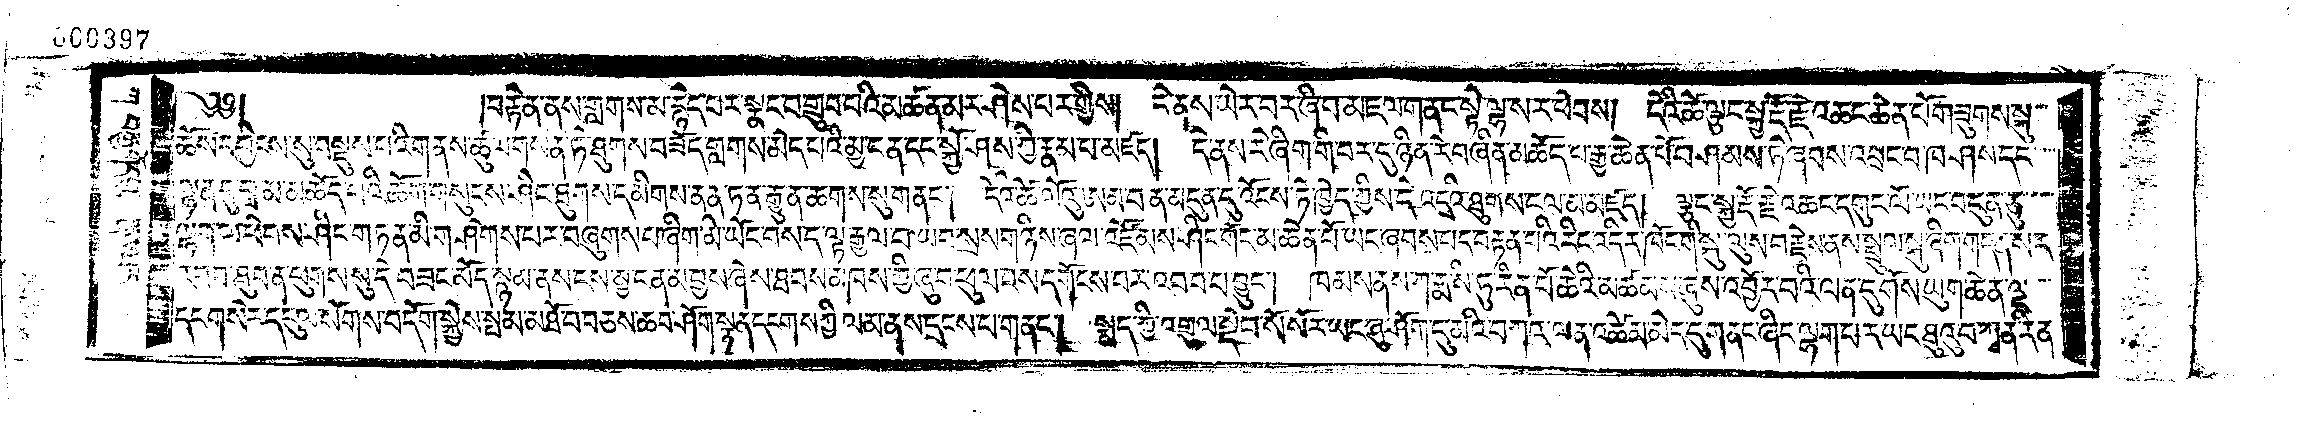༄༅། །བརྟེན་ནས་གླགས་མ་རྙེད་པར་སྣང་བ་གྲུབ་པའི་མཚན་མར་ཤེས་པར་གྱིས། དེ་ནས་ཡེར་བར་ཞིབ་མཇལ་གནང་སྟེ་ལྷ་སར་ཕེབས། དེའི་ཚེ་ལྕང་སྐྱ་རྡོ་རྗེ་འཆང་ཆེན་པོ་གཟུགས་སྐུ་
ཆོས་དབྱིངས་སུ་བསྡུས་པའི་གནས་ཚུལ་གསན་ཏེ་ཐུགས་བཟོད་གླགས་མེད་པའི་མྱ་ངན་དང་སྐྱོ་ཤས་ཀྱི་རྣམ་པ་མཛད། དེ་ནས་རེ་ཞིག་གི་བར་དུ་ཉིན་རེ་བཞིན་མཆོད་པ་རྒྱ་ཆེན་པོ་བཤམས་ཏེ་ཞབས་འབྲང་བ་ཁ་ཤས་དང་
ལྷན་དུ་བླ་མ་མཆོད་པའི་ཆོག་གསུངས་ཤིང་ཐུགས་དམིགས་ནན་ཏན་རྒྱུན་ཆགས་སུ་གནང་། དེའི་ཚེ་ལོའུ་ཨམ་བན་མདུན་དུ་འོངས་ཏེ་ཁྱེད་ཀྱིས་དེ་འདྲའི་ཐུགས་ངལ་མ་མཛད། ལྕང་སྐྱ་རྡོ་རྗེ་འཆང་དགུང་ལོ་ཡང་བདུན་ཅུ་
ལྷག་ལ་ཕེབས་ཤིང་གཏན་མི་གཤེགས་པར་བཞུགས་པ་ཞིག་མི་ཡོང་བས་ད་ལྟ་རྒྱལ་བ་ཡབ་སྲས་གཉིས་ཞལ་འཛོམས་ཤིང་གོང་མ་ཆེན་པོ་ཡང་ཞབས་པད་བརྟན་པའི་རིང་འདིར་ཁོང་གི་སྐུ་ལུས་བརྗེས་ནས་སྤྲུལ་སྐུ་ཞིག་གདན་སར་
འབབ་ཐུབ་ན་ཕུགས་སུ་དེ་བཟང་མོད་སྙམ་ནས་ངས་མྱ་ངན་མ་བྱས་ཞེས་ཐབས་མཁས་ཀྱི་ཞུ་བ་ཕུལ་བས་དགོངས་པར་འབབ་པ་བྱུང་། ཁམས་ནས་ཀརྨ་སི་ཏུ་རིན་པོ་ཆེའི་མཚམས་ཞུས་འབྱོར་པའི་ལན་དུ་གོས་ཡུག་ཆེན་ལྔ་
དང་གསེར་དངུལ་སོགས་བདོག་སྐྱེས་སྤམ་མཐོ་བ་བཅས་ཆབ་ཤོག་སྙན་དངགས་ཀྱི་ལམ་ནས་དྲངས་པ་གནང་། སྨད་ཀྱི་འགྲུལ་སྡེབ་སོ་སོར་ཡང་ཞུ་ཤོག་དུ་མའི་བཀའ་ལན་འཚེམ་མེད་དུ་གནང་ཞིང་ལྷག་པར་ཡང་ཐུའུ་བཀྭན་རིན་